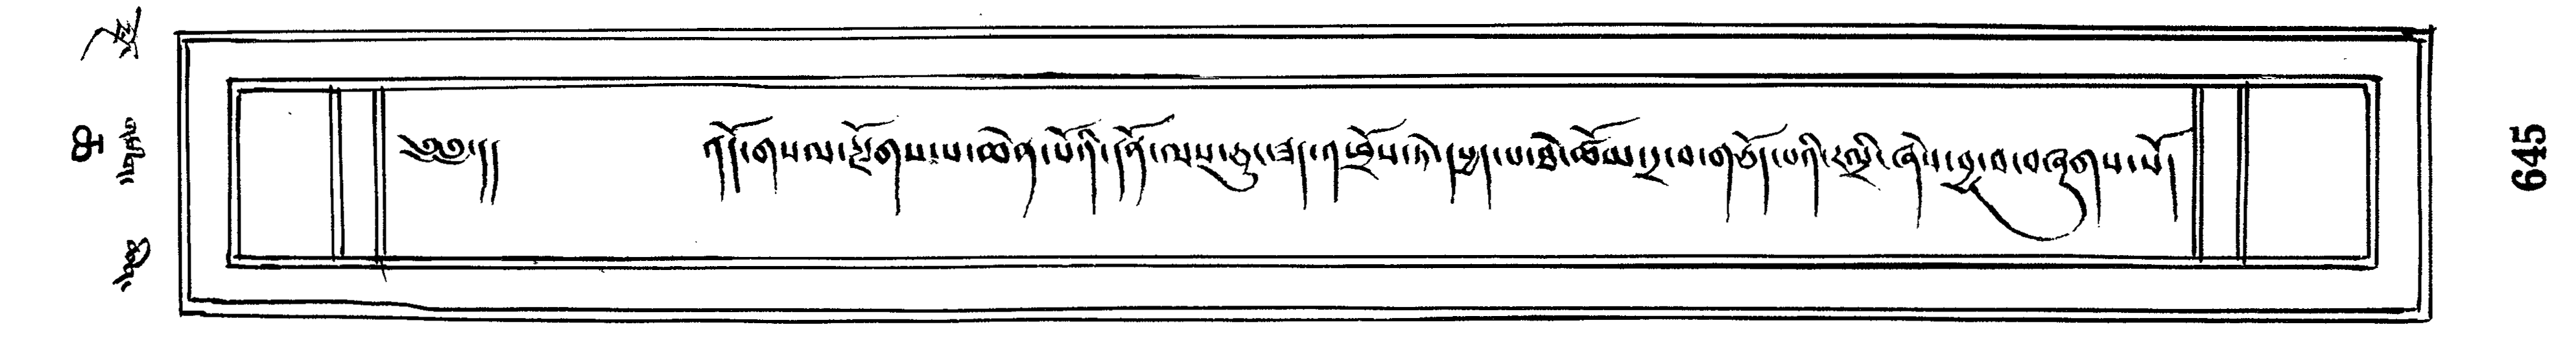༄༅། འོད་གསལ་རྫོགས་པ་ཆེན་པོའི་དོན་ལས་ཅུང་ཟད་འཕྲོས་ཏེ་དཔྱད་པ་ཐེ་ཚོམ་དྲྭ་བ་གཅོད་པའི་རལ་གྲི་ཞེས་བྱ་བ་བཞུགས་སོ།།